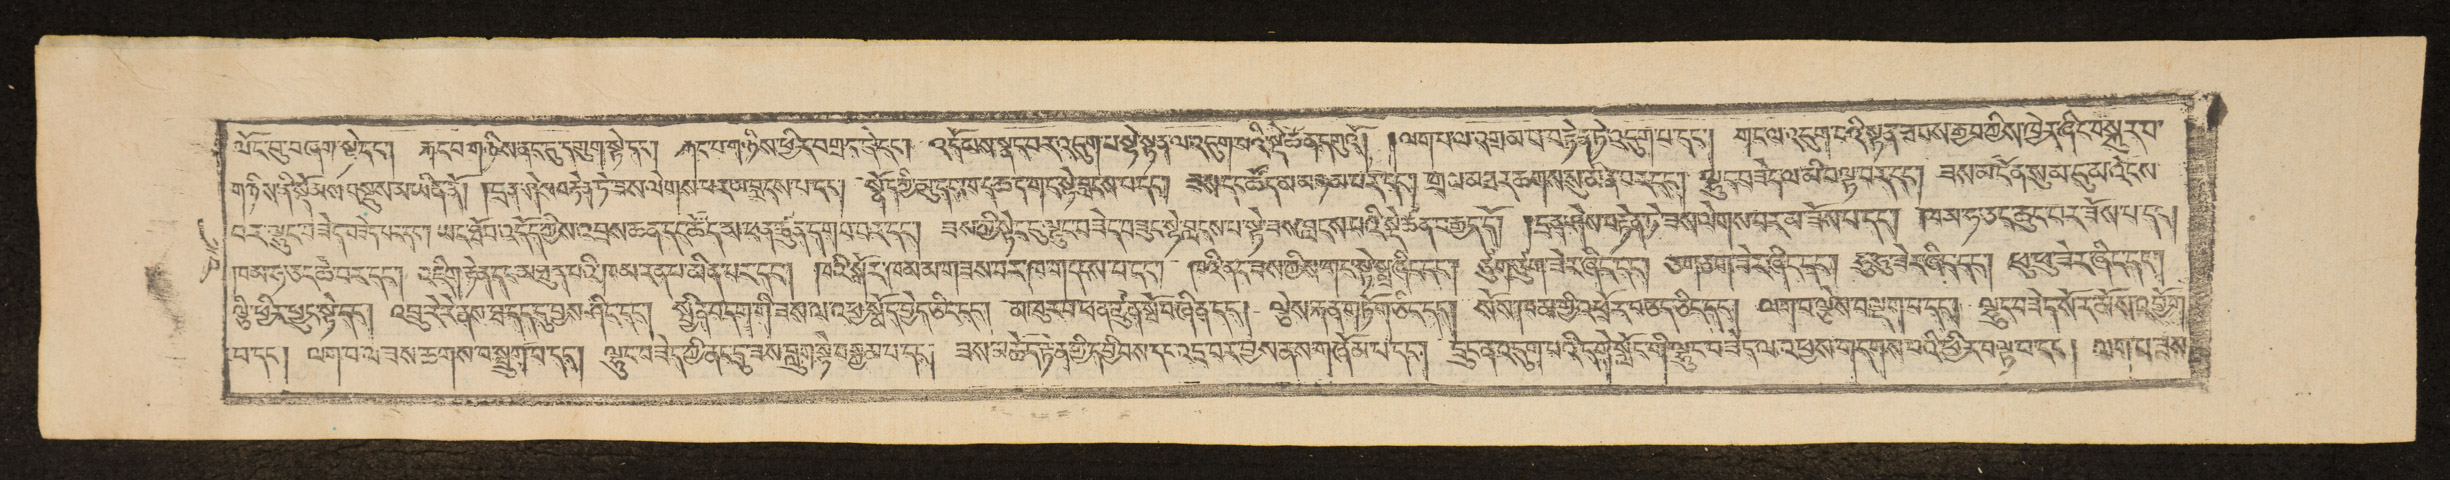ལོང་བུ་བཞག་སྟེ་དང་། རྐང་བ་གཉིས་ནང་དུ་དགུག་སྟེ་དང་། རྐང་པ་གཉིས་ཕྱིར་བགྲང་དེ་དང་། འདོམས་སྣང་བར་འདུག་པ་སྟེ་སྟན་ལ་འདུག་པའི་སྡེ་ཚན་དགུའོ། །ལག་པ་ལ་འགྲམ་པ་བརྟེན་ཏེ་འདུག་པ་དང་། གང་ལ་འདུག་པའི་སྟན་ཐབས་རྒྱབ་ཀྱིས་ཁྱེར་ཞིང་བསྐུར་བ་
གཉིས་ནི་སྡོམས་བསྡུས་མ་ཡིན་ནོ། །དྲན་ཤེས་བརྟེན་ཏེ་ཟས་ལེགས་པར་མ་བླངས་པ་དང་། སྣོད་ཀྱི་མུ་དང་ཁ་ད་ཆད་གང་སྟེ་བླངས་པ་དང་། ཟས་དང་ཚོད་མ་མཉམ་པར་དང་། གྲལ་མཐར་ཆགས་སུ་མིན་པར་དང་། ལྷུང་བཟེད་ལ་མི་བལྟ་བར་དང་། ཟས་མངོན་སུམ་དུ་མ་འོངས་
བར་ལྷུང་བཟེད་བཟེད་པར་དང་། ཡང་ཐོབ་འདོད་ཀྱིས་འབྲས་ཆན་དང་ཚོད་མ་ཕན་ཚུན་དགབ་པར་དང་། ཟས་ཀྱི་སྟེང་དུ་ལྷུང་བཟེད་བཟུང་སྟེ་བླངས་པ་སྟེ་ཟས་བླངས་པའི་སྡེ་ཚན་བརྒྱད་དོ། །དྲན་ཤེས་བརྟེན་ཏེ་ཟས་ལེགས་པར་མ་ཟོས་པ་དང་། ཁམ་ཧ་ཅང་ཆུང་པར་ཟོས་པ་དང་།
ཁམ་ཧ་ཅང་ཆེ་བར་དང་། འཇིག་རྟེན་དང་མཐུན་པའི་ཁམ་རན་པ་མིན་པར་དང་། ཁའི་སྒོར་ཁམ་མ་གཟས་བར་ཁ་གདངས་པ་དང་། ཁའི་ནང་ཟས་ཀྱིས་གང་སྟེ་སྨྲ་ཞིང་དང་། ཙུག་ཙུག་ཟེར་ཞིང་དང་། ཅག་ཅག་ཟེར་ཞིང་དང་། ཧུ་ཧུ་ཟེར་ཞིང་དང་། ཕུ་ཕུ་ཟེར་ཞིང་དང་།
ལྕི་ཕྱིར་ཕྱུང་སྟེ་དང་། འབྲུ་རེ་རེ་ནས་ཐ་དད་དུ་བྱས་ཤིང་དང་། སྦྱིན་བདག་གི་ཟས་ལ་འཕྱ་སྨོད་བྱེད་ཅིང་དང་། མ་ཁུར་བ་ཕན་ཚུན་སྤོ་བཞིན་དང་། ལྕེས་རྐན་གཏོག་ཅིང་དང་། སོས་ཁམ་གྱི་འཕྲོར་བཅད་ཅིང་དང་། ལག་བ་ལྕེས་བལྡག་པ་དང་། ལྷུང་བཟེད་སོར་མོས་འབྱོག་
བ་དང་། ལག་པ་ལ་ཟས་ཆགས་བ་སྦྲུག་བ་དང་། ལྷུང་བཟེད་ཀྱི་ནང་དུ་ཟས་བླུག་སྟེ་བསྐྱམ་པ་དང་། ཟས་མཆོད་རྟེན་གྱི་དབྱིབས་དང་འདྲ་བར་བྱས་ནས་གཞོམ་པ་དང་། དྲུང་ན་འདུག་པའི་དགེ་སློང་གི་ལྷུང་བཟེད་ལ་འཕྱས་གདགས་པའི་ཕྱིར་བལྟ་བ་དང་། ལག་པ་ཟས་